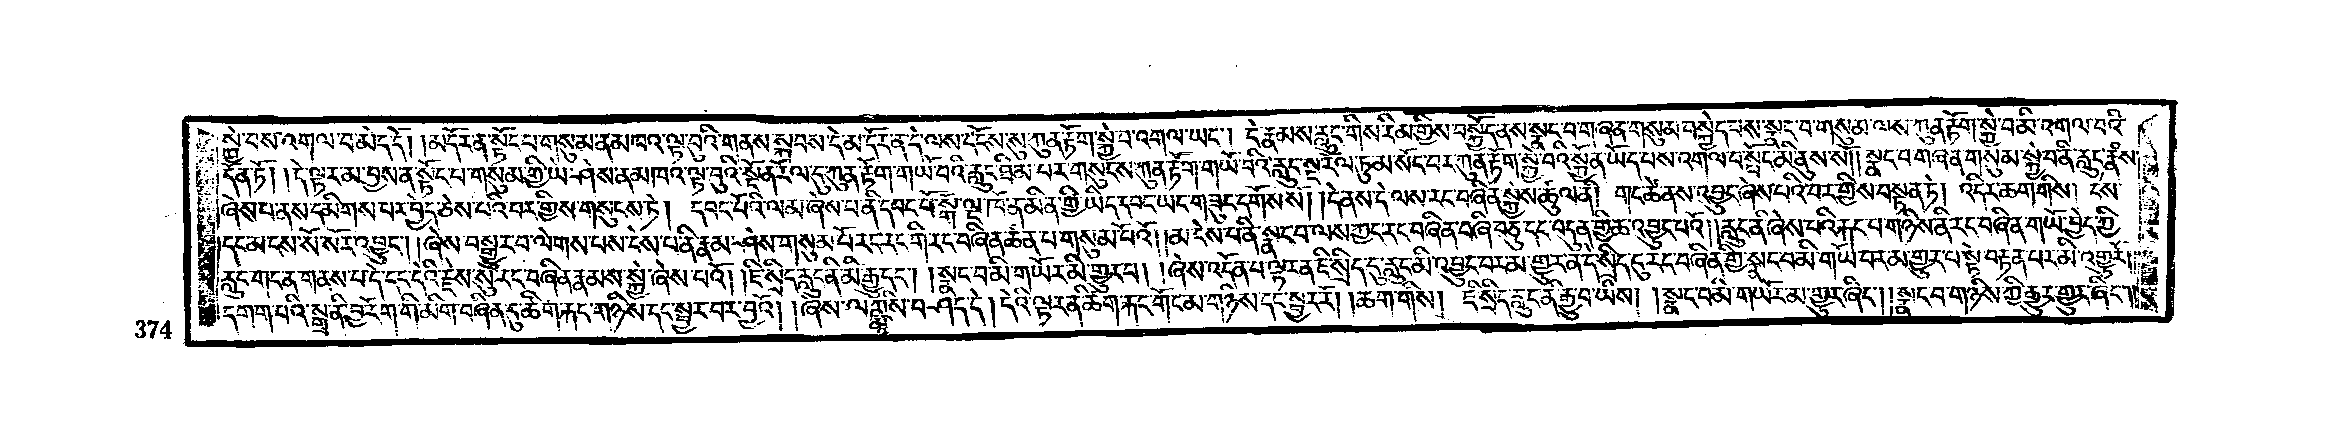སྐྱེ་བས་འགལ་བ་མེད་དོ། །མདོར་ན་སྟོང་པ་གསུམ་ནམ་མཁའ་ལྟ་བུའི་གནས་སྐབས་དེ་མ་དོར་ན་དེ་ལས་དངོས་སུ་ཀུན་རྟོག་སྐྱེ་བ་འགལ་ཡང་། དེ་རྣམས་རླུང་གིས་རིམ་གྱིས་བསྐྱོད་ནས་སྣང་བ་གཞན་གསུམ་བསྐྱེད་པས་སྣང་བ་གསུམ་ལས་ཀུན་རྟོག་སྐྱེ་བ་མི་འགལ་བའི་
དོན་ཏོ། །དེ་ལྟར་མ་བྱས་ན་སྟོང་པ་གསུམ་གྱི་ཡེ་ཤེས་ནམ་མཁའ་ལྟ་བུའི་སྔོན་རོལ་དུ་ཀུན་རྟོག་གཡོ་བའི་རླུང་ཐིམ་པར་གསུངས་ཀུན་རྟོག་གཡོ་བའི་རླུང་སྔ་རོལ་ཏུ་མ་སོང་བར་ཀུན་རྟོག་སྐྱེ་བའི་སྐྱོན་ཡོད་པས་འགལ་བ་སྤོང་མི་ནུས་སོ། །སྣང་བ་གཞན་གསུམ་སྐྱེ་བ་ནི་རླུང་རྣམས་
ཞེས་པ་ནས་དམིགས་པར་བྱེད་ཅེས་པའི་བར་གྱིས་གསུངས་ཏེ། དབང་པོའི་ལམ་ཞེས་པ་ནི་དབང་པོ་སྒོ་ལྔ་ཁོ་ན་མིན་གྱི་ཡིད་དབང་ཡང་གཟུང་དགོས་སོ། །དེ་ནས་དེ་ལས་རང་བཞིན་སྐྱེས་ཚུལ་ནི། གང་ཚེ་ནས་འབྱུང་ཞེས་པའི་བར་གྱིས་བསྟན་ཏེ། འདིར་ཆག་གིས། ?
དང་མ་ངས་སོ་སོར་འབྱུང་། །ཞེས་བསྒྱུར་བ་ལེགས་པས་ངེས་པ་ནི་རྣམ་ཤེས་གསུམ་པོ་རང་རང་གི་རང་བཞིན་ཚན་པ་གསུམ་པའོ། །མ་ངེས་པ་ནི་སྣང་བ་ལས་ཀྱང་རང་བཞིན་བཞི་བཅུ་དང་བདུན་གྱི་ཆ་འབྱུང་བའོ། །རླུང་ནི་ཞེས་པའི་རྐང་པ་གཉིས་ནི་རང་བཞིན་གཡོ་བྱེད་པའི་?
རླུང་གང་ན་གནས་པ་དེ་དང་དེའི་རྗེས་སུ་རང་བཞིན་རྣམས་སྐྱེ་ཞེས་པའོ། །ཇི་སྲིད་རླུང་ནི་མི་རྒྱུ་དང་། །སྣང་བ་མི་གཡོར་མི་གྱུར་པ། །ཞེས་འདོན་པ་ལྟར་ན་ཇི་སྲིད་དུ་རླུང་མི་འབྱུང་བར་མ་གྱུར་ན་དེ་སྲིད་དུ་རང་བཞིན་གྱི་སྣང་བ་མི་གཡོ་བར་མ་གྱུར་པ་སྟེ་བརྟན་པར་མི་འགྱུར་རོ།
དགག་པའི་སྒྲ་ནི་བྱ་རོག་གི་མིག་བཞིན་དུ་ཚིག་རྐང་གཉིས་དང་སྦྱར་བར་བྱའོ། །ཞེས་ལཀྵྨཱིས་བཤད་དེ། དེའི་ལྟར་ན་ཚིག་རྐང་གོང་མ་གཉིས་དང་སྦྱར་རོ། །ཆག་གིས། ཇི་སྲིད་རླུང་ནི་རྒྱུ་བ་ཡིས། །སྣང་བ་མི་གཡོར་མ་གྱུར་ཞིང་། །སྣང་བ་གཉིས་ཀྱི་རྒྱུར་གྱུར་བའི་